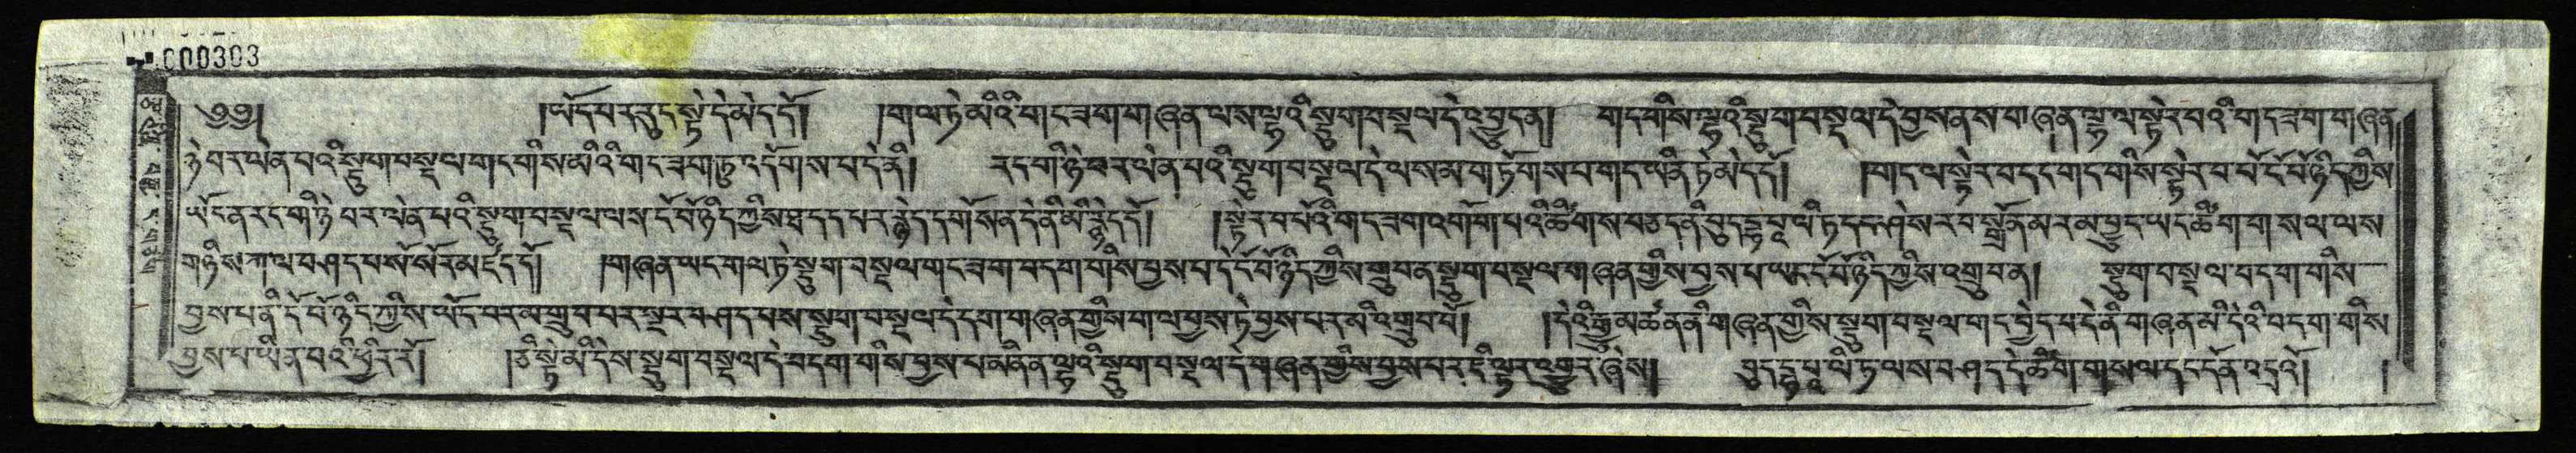༄༅། །ཡོད་པར་རུང་སྟེ་དེ་མེད་དོ། །གལ་ཏེ་མིའི་གང་ཟག་གཞན་ལས་ལྷའི་སྡུག་བསྔལ་དེ་འབྱུང་ན། གང་གིས་ལྷའི་སྡུག་བསྔལ་དེ་བྱས་ནས་གཞན་ལྷ་ལ་སྟེར་བའི་གང་ཟག་གཞན་
ཉེ་བར་ལེན་པའི་སྡུག་བསྔལ་གང་གིས་མིའི་གང་ཟག་ཏུ་འདོགས་པ་དེ་ནི། རང་གི་ཉེ་བར་ལེན་པའི་སྡུག་བསྔལ་དེ་ལས་མ་གཏོགས་པ་གང་ཡིན་ཏེ་མེད་དོ། །གང་ལ་སྟེར་བ་དང་གང་གིས་སྟེར་བ་པོ་ངོ་བོ་ཉིད་ཀྱིས་
ཡོད་ན་རང་གི་ཉེ་བར་ལེན་པའི་སྡུག་བསྔལ་ལས་ངོ་བོ་ཉིད་ཀྱིས་ཐ་དད་པར་རྙེད་དགོས་ན་དེ་ནི་མི་རྙེད་དོ། །སྟེར་བ་པོའི་གང་ཟག་འགོག་པའི་ཚིགས་བཅད་ནི་བུད་དྷ་པཱ་ལི་ཏ་དང་ཤེས་རབ་སྒྲོན་མར་མ་བྱུང་ཡང་ཚིག་གསལ་ལས་
གཉིས་ཀ་ལ་བཤད་པ་སོ་སོར་མཛད་དོ། །གཞན་ཡང་གལ་ཏེ་སྡུག་བསྔལ་གང་ཟག་བདག་གིས་བྱས་པ་དེ་ངོ་བོ་ཉིད་ཀྱིས་གྲུབ་ན་སྡུག་བསྔལ་གཞན་གྱིས་བྱས་པ་ཡང་ངོ་བོ་ཉིད་ཀྱིས་འགྲུབ་ན། སྡུག་བསྔལ་བདག་གིས་
བྱས་པ་ནི་ངོ་བོ་ཉིད་ཀྱིས་ཡོང་བར་མ་གྲུབ་པར་སྔར་བཤད་པས་སྡུག་བསྔལ་དེ་དག་གཞན་གྱིས་ག་ལ་བྱས་ཏེ་བྱས་པར་མི་འགྲུབ་བོ། །དེའི་རྒྱུ་མཚན་ནི་གཞན་གྱིས་སྡུག་བསྔལ་གང་བྱེད་པ་དེ་ནི་གཞན་མི་དེའི་བདག་གིས་
བྱས་པ་ཡིན་པའི་ཕྱིར་རོ། །ཅི་སྟེ་མི་དེས་སྡུག་བསྔལ་དེ་བདག་གིས་བྱས་པ་མིན་ན་ལྷའི་སྡུག་བསྔལ་དེ་གཞན་གྱིས་བྱས་པར་ཇི་ལྟར་འགྱུར་ཞེས། བུད་དྷ་པཱ་ལི་ཏ་ལས་བཤད་དེ་ཚིག་གསལ་དང་དོན་འདྲའོ། །